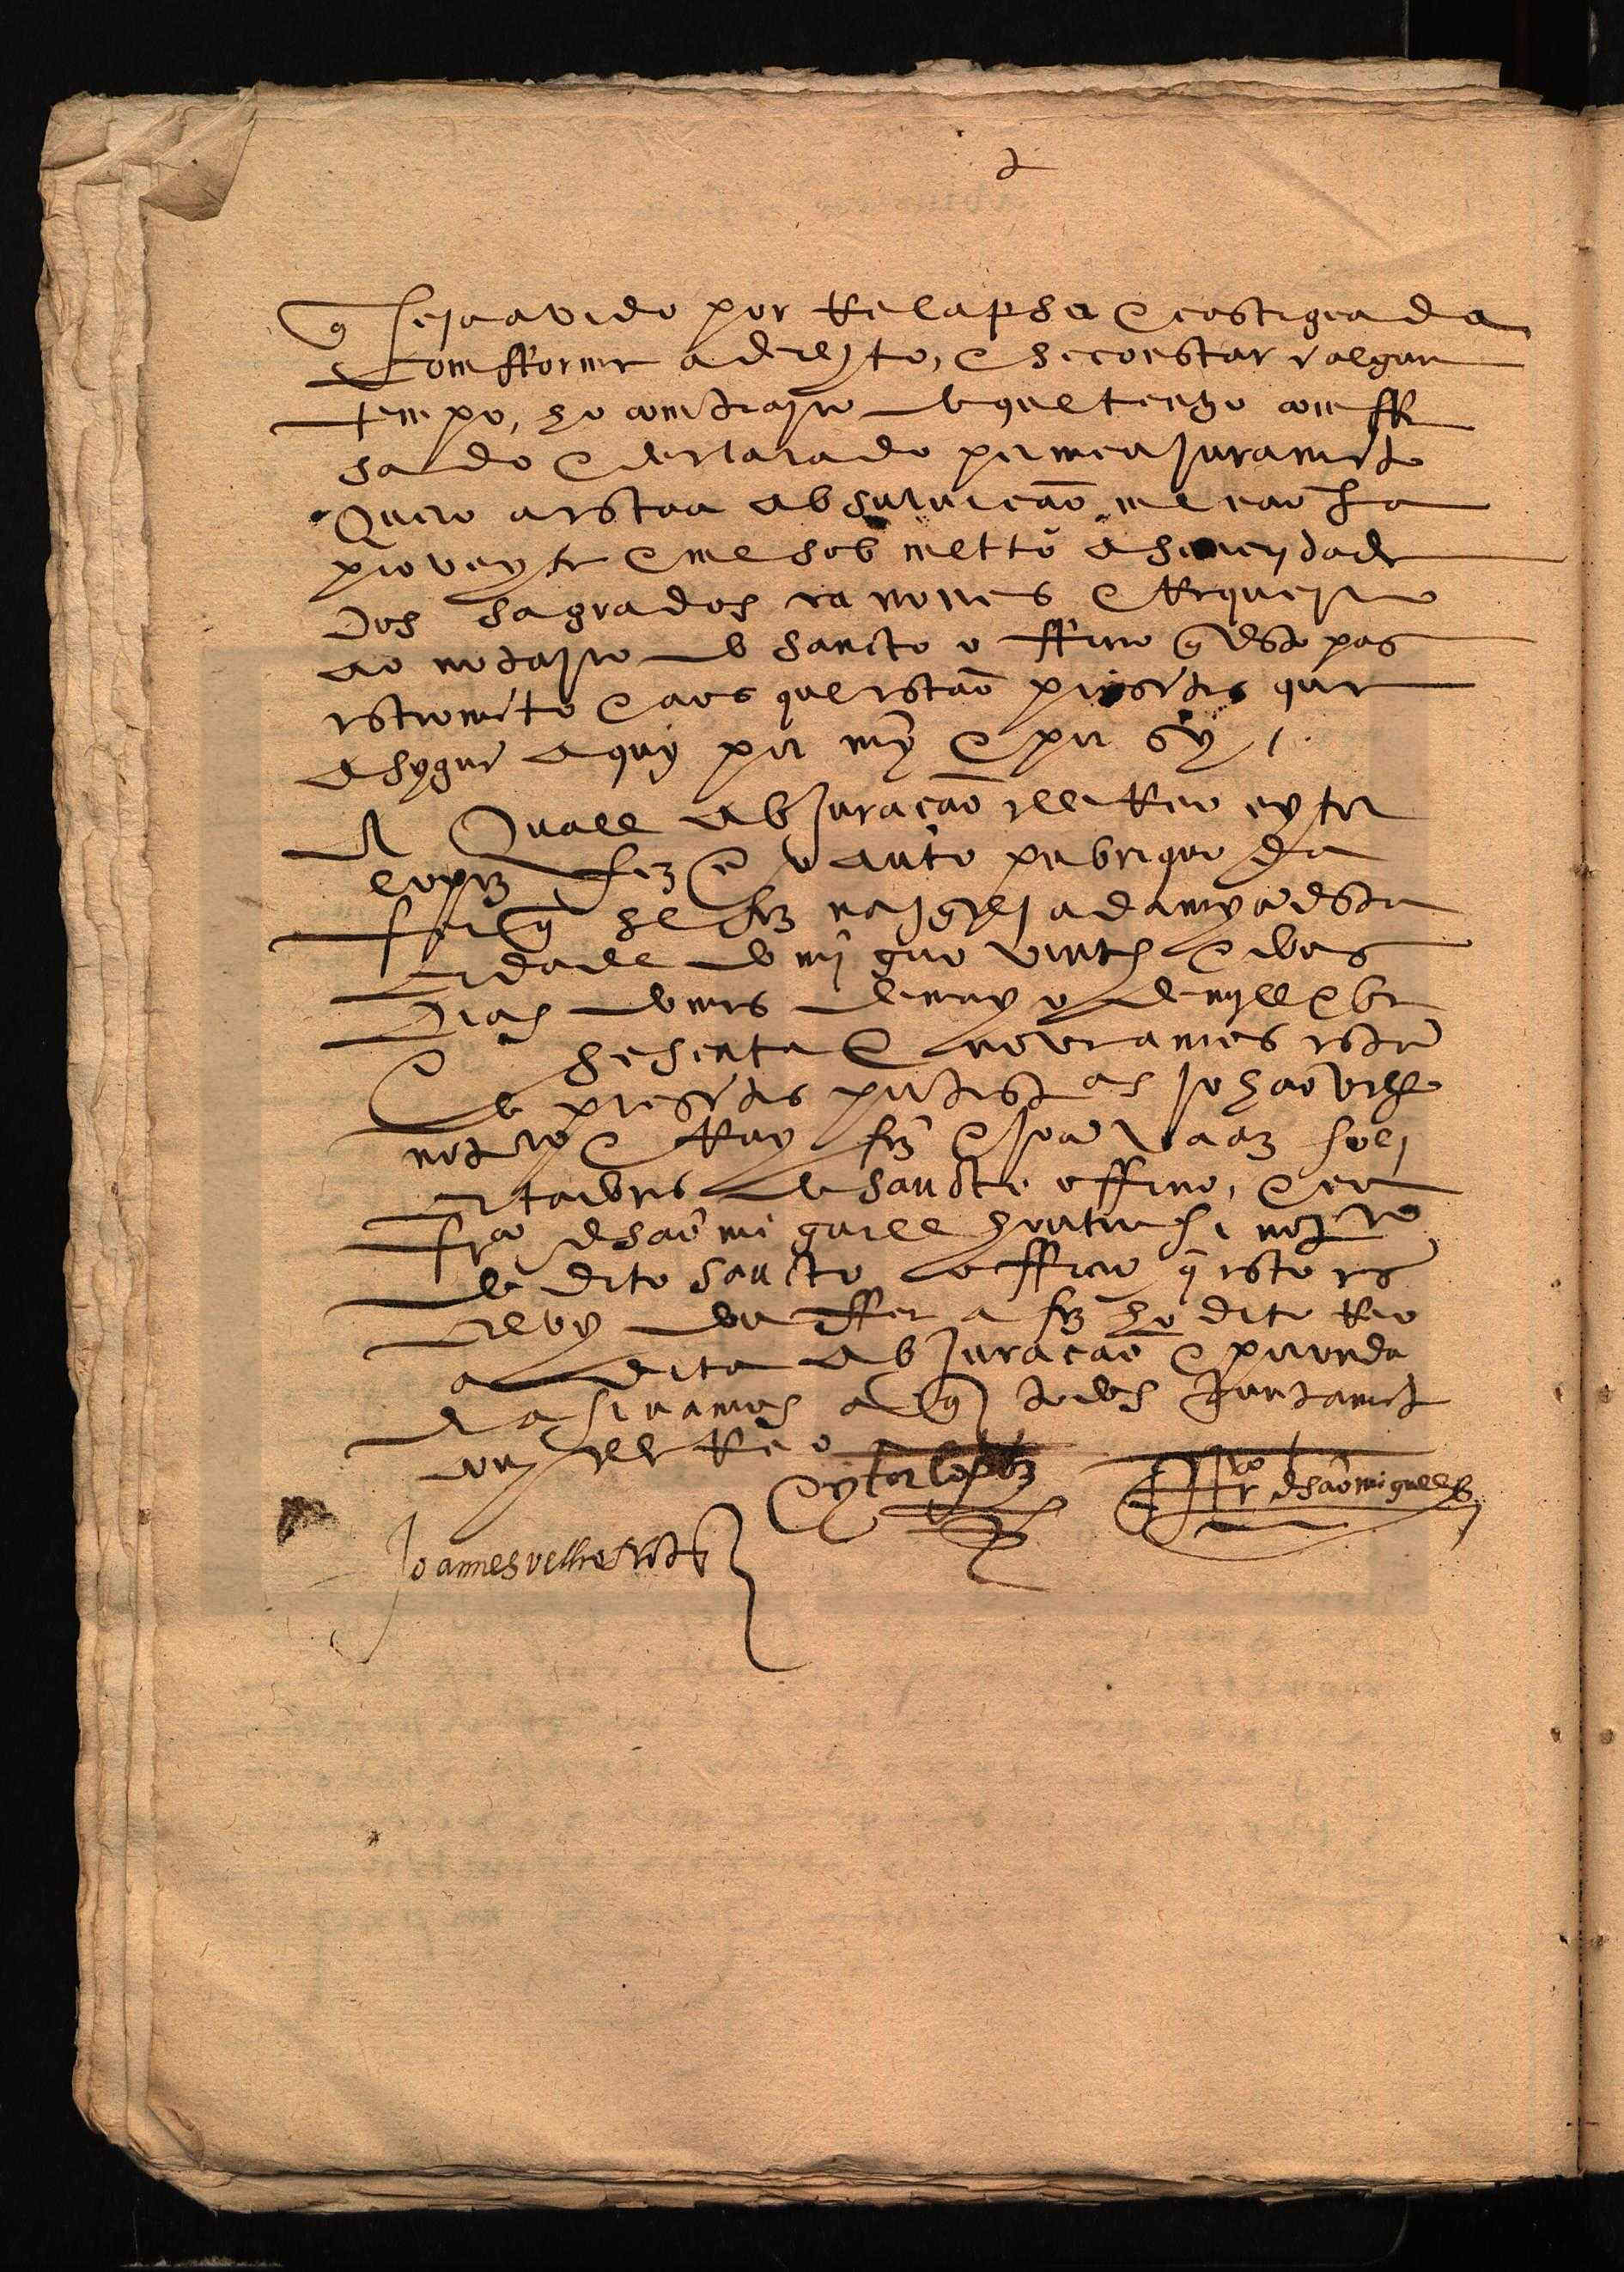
q̄ seja avido por Relapsa e castiguada
Comforme a derejto, e se constar ē algum
tempo, ho comtrajro do que tenho comffe
sado e declarado per meu juramēto
Quero a estaa absuluição me naõ ha
proveyte e me sobmetto a seuerjdade
Dos sagrados canones e Requejro
ao notajro do sancto officio q̄ desto pase
estromēto e aos que estaõ presētes que
asygnē aquy por mȳ e por sy /.
A Quall abJuração elle Reo eytor
lopez fez ē o auto pubriquo da
fee q̄ se fez na jgreja da myā desta
Cidade domj̄guo vintꝭ e dous
Dias do mes de mayo de mjll e bc
e sesenta e nove annos estā
do presētes por testas Johaõ velho
notro e Ruy frz̄ e Joā vaaz solj
citadores do sancto officio, e eu
frco de saõ miguell houtrosi notro
do dito sancto officio q̄ esto es
crevy dou fee a fez ho dito Reo
a dita abJuracaõ e por verda
de asinamos aq̄j todos Juntamēte
com elle Reo
